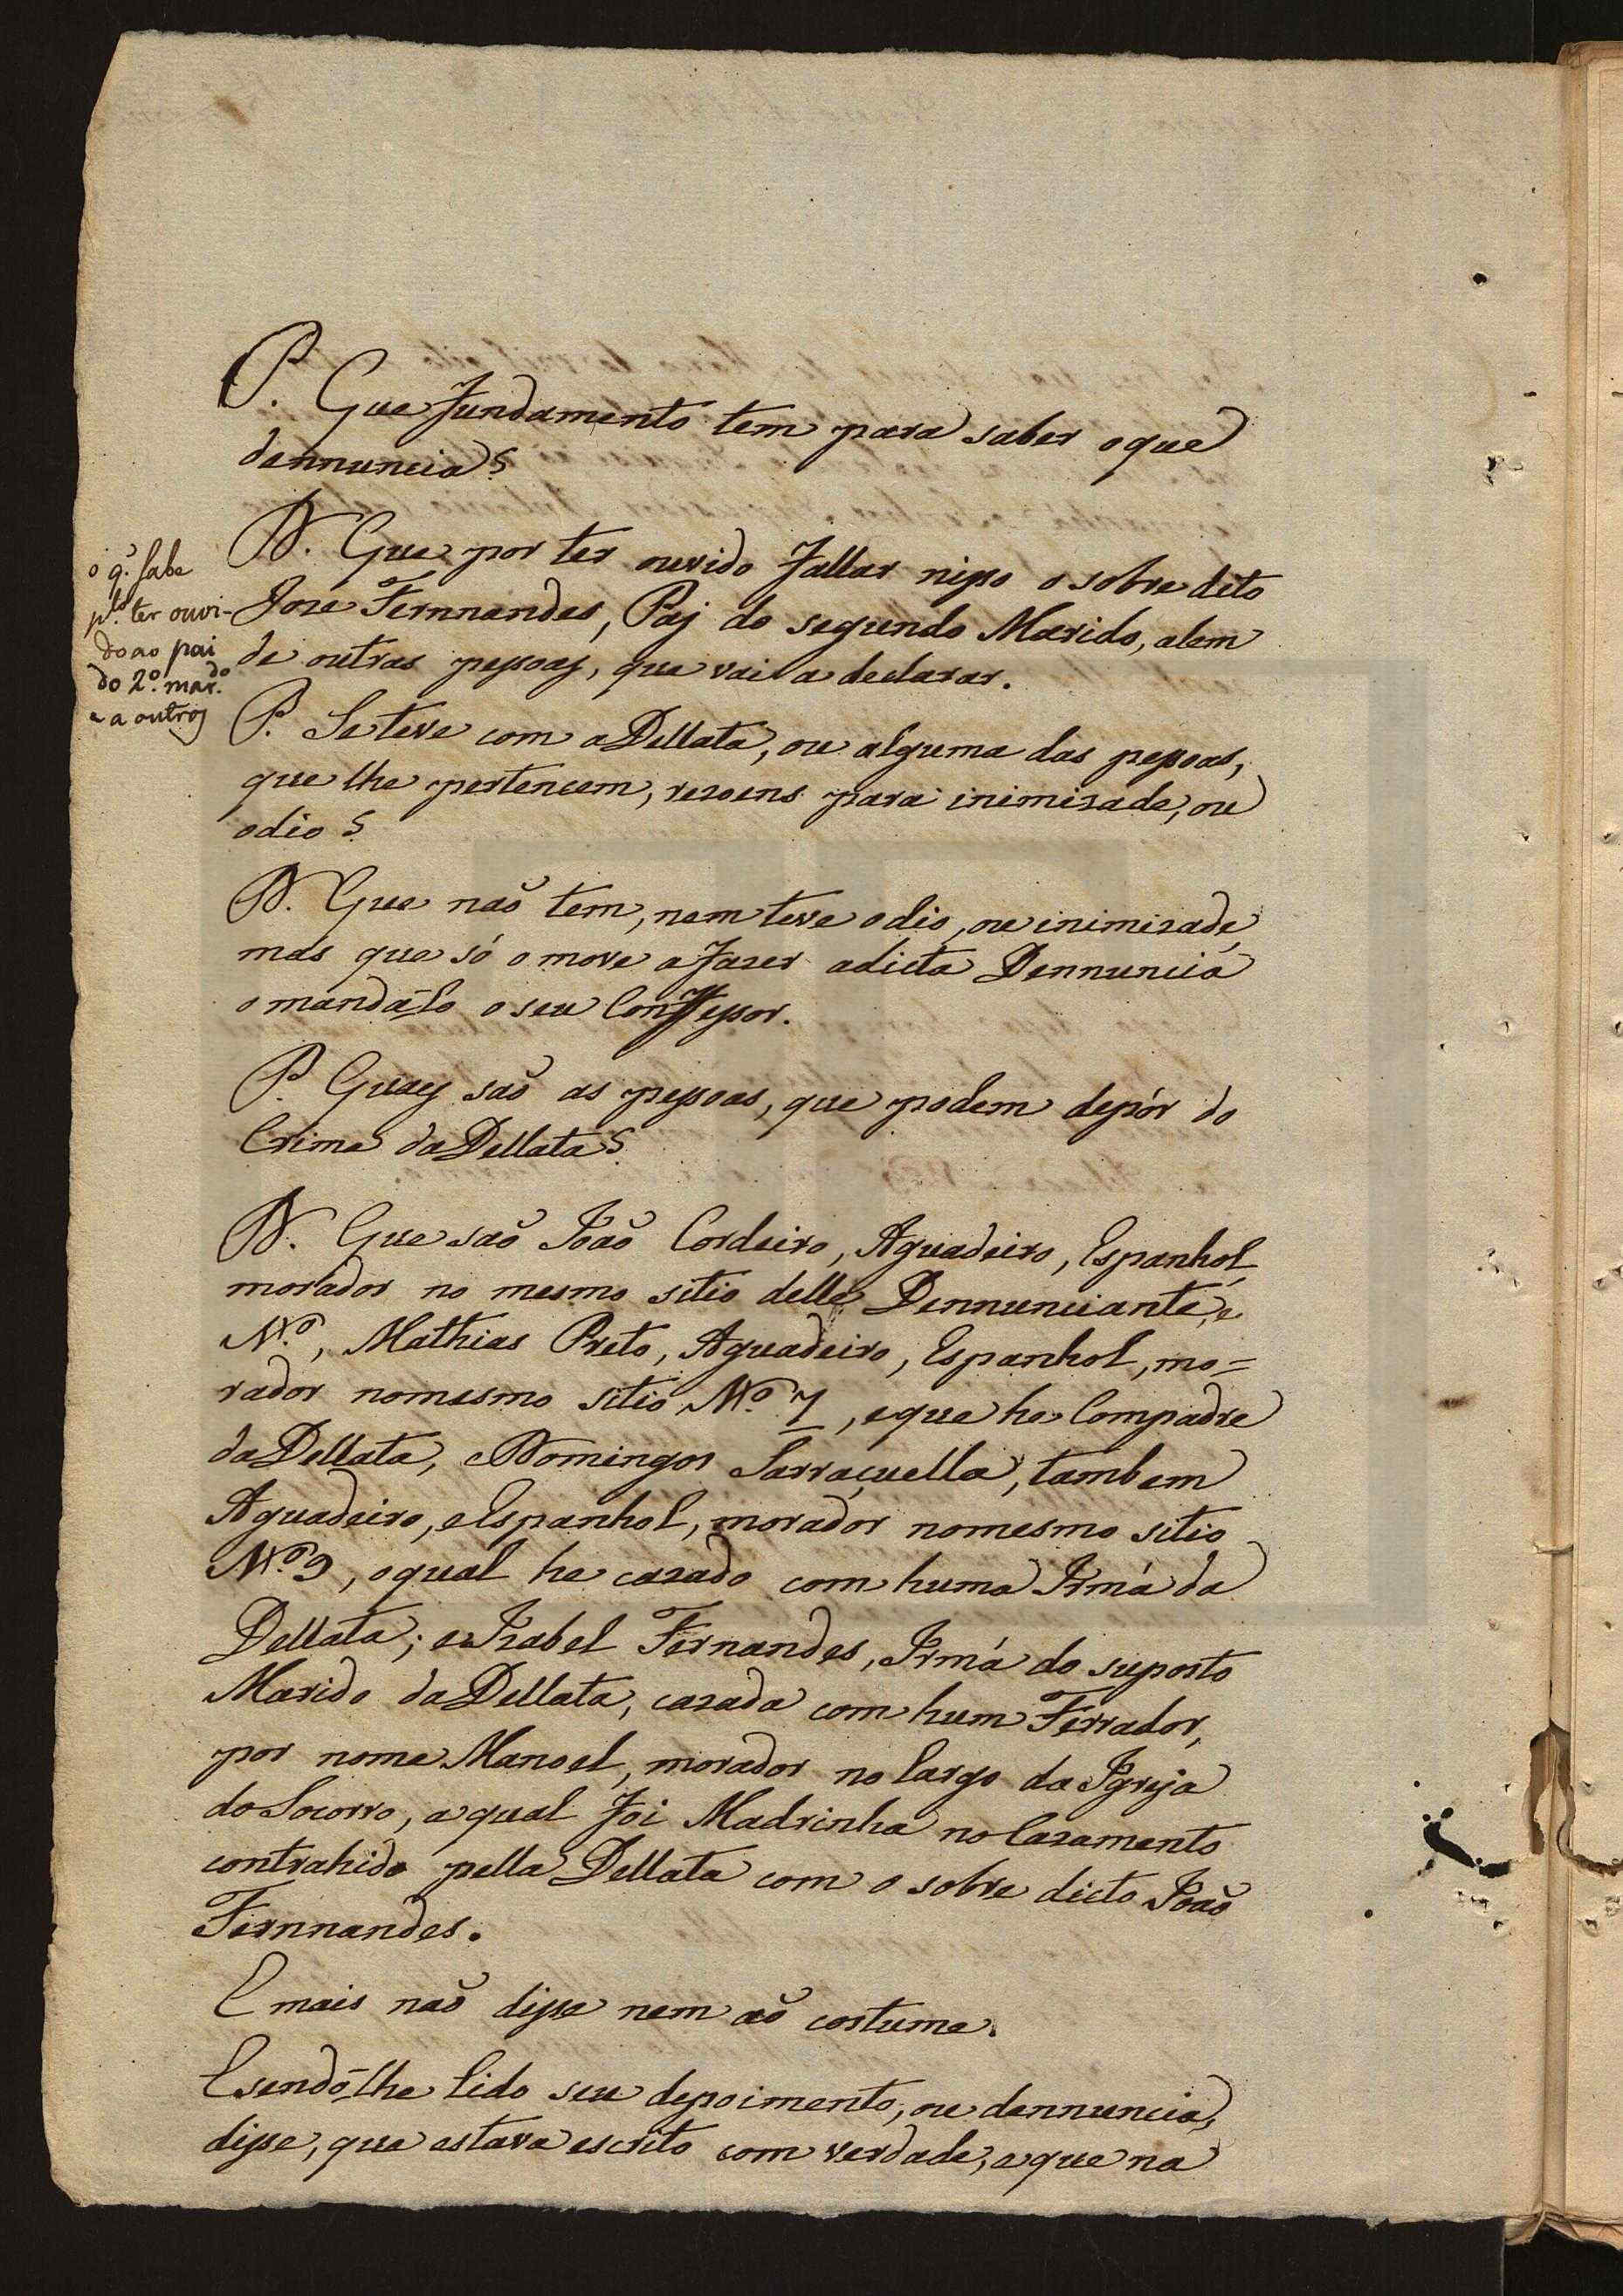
P. Que fundamento tem para saber o que
dennuncia?
D. Que por ter ouvido fallar nisso o sobredito
o q̄ sabe
Jozé Fernnandes, Paj do segundo Marido, alem
p.lo ter ouvi
do ao pai
de outras pessoas, que vai a declarar.
do 2.o mar.do
e a outros
P. Se teve com a Dellata, ou alguma das pessoas,
que lhe pertencem, rezoens para inimizade, ou
odio?
D. Que naõ tem, nem teve odio, ou inimizade,
mas que só o move a fazer a dicta Dennuncia
o manda-lo o seu Conffessor.
P. Quaes saõ as pessoas, que podem depór do
Crime da Dellata?
D. Que saõ Ioaõ Cordeiro, Aguadeiro, Espanhol
morador no mesmo sitio delle Dennunciante, e
N.o, Mathias Preto, Aguadeiro, Espanhol, mo
rador no mesmo sitio N.o 7, e que he Compadre
da Dellata, e Domingos Sarraçuella, tambem
Aguadeiro, e Espanhol, morador no mesmo sitio
N.o 9, o qual he cazado com huma Irmã da
Dellata; e Izabel Fernandes, Irmã do suposto
Marido da Dellata, cazada com hum Ferrador,
por nome Manoel, morador no largo da Igreja
do Socorro, a qual foi Madrinha no Cazamento
contrahido pella Dellata com o sobredicto Ioão
Fernnandes.
E mais naõ disse nem aó costume.
E sendo-lhe lido seu depoimento, ou dennuncia,
disse, que estava escrito com verdade, e que na
